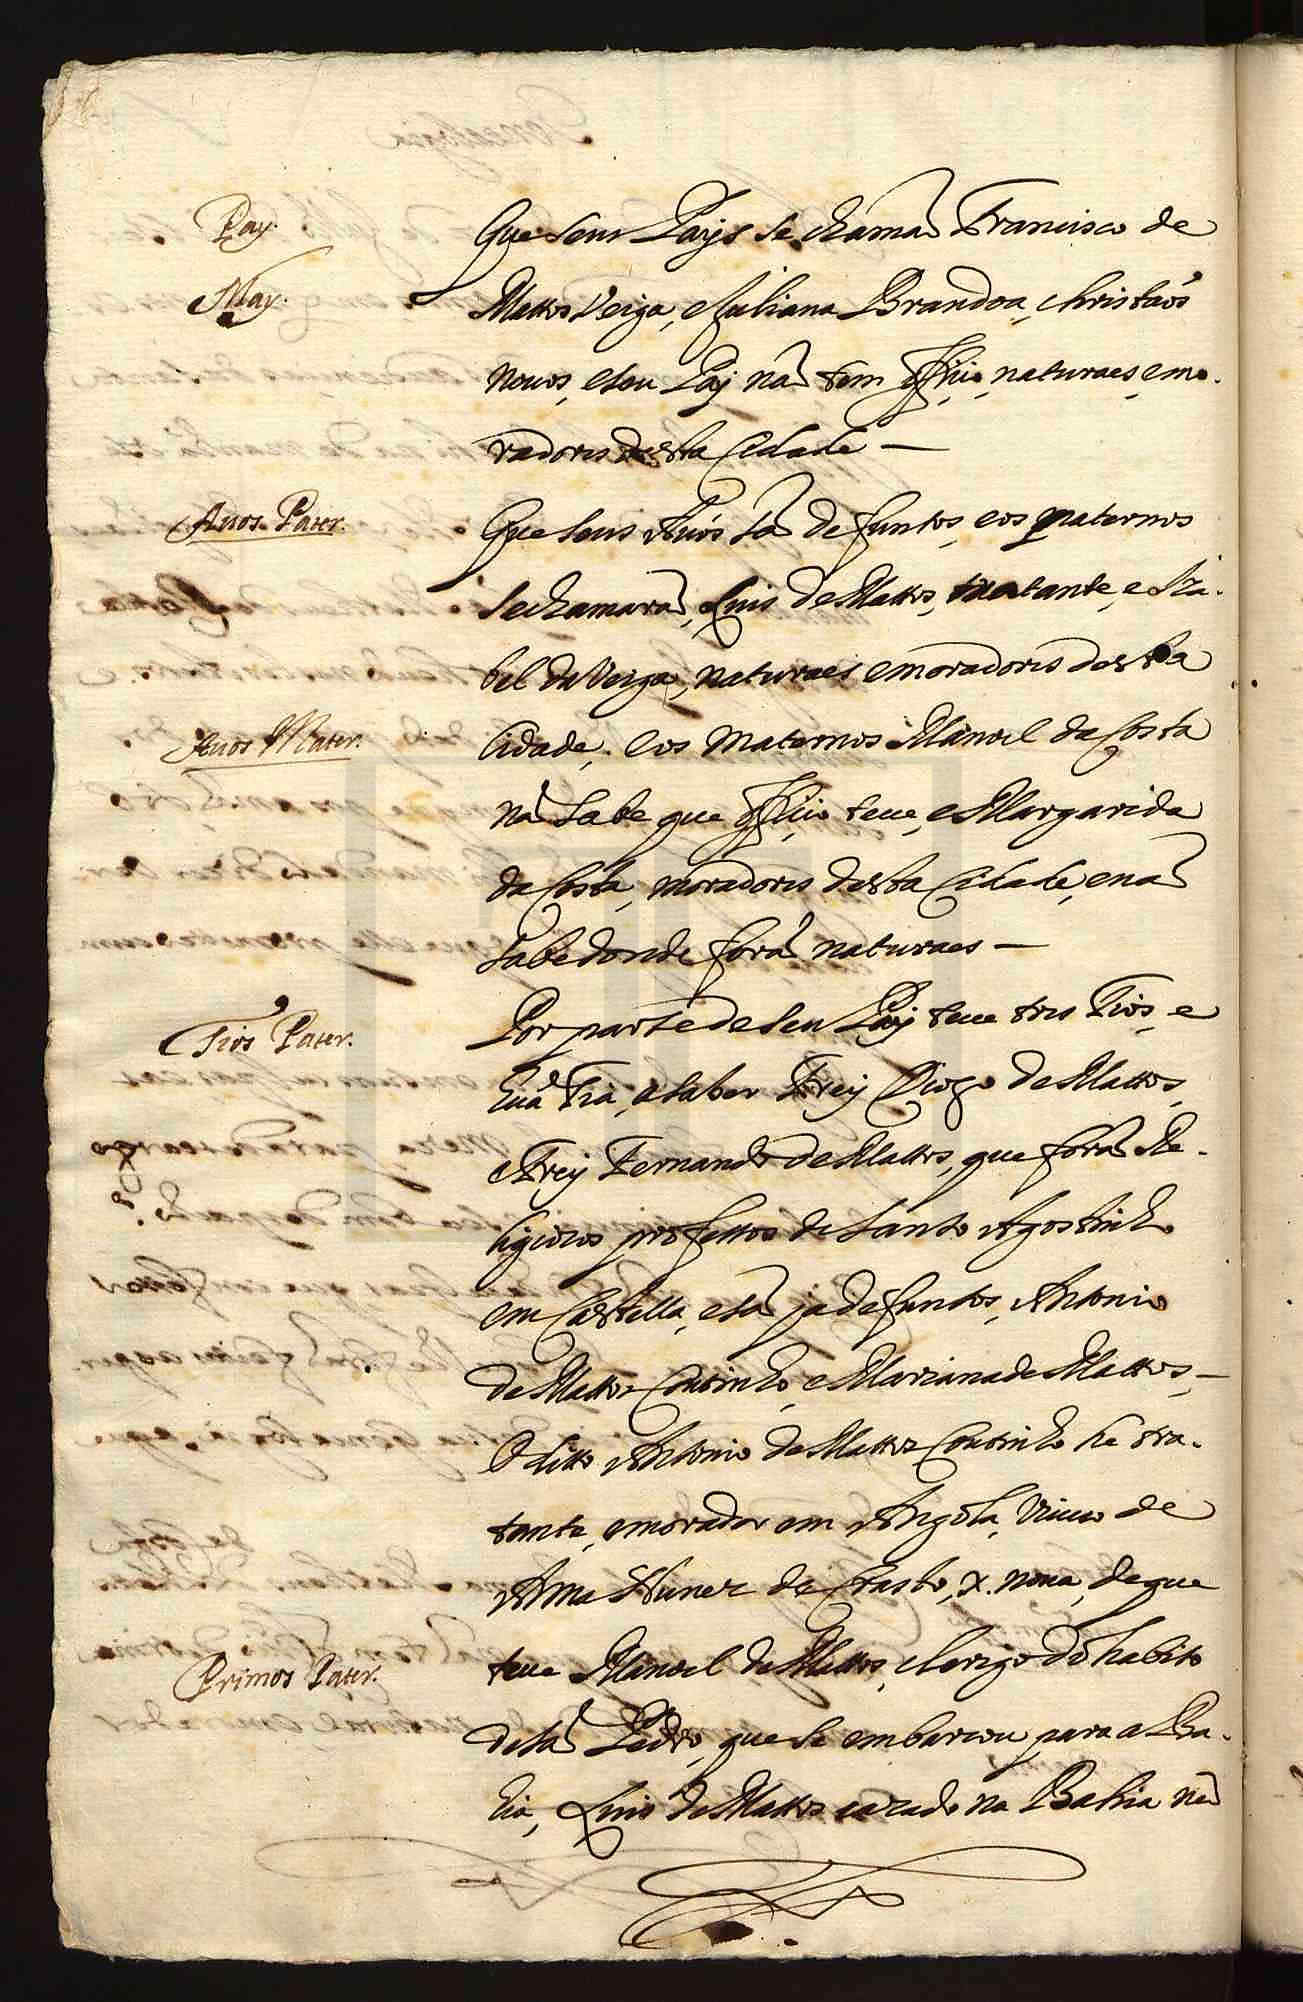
Pay.
Que seus Pays se chamaõ Francisco de
May.
Mattos Veiga, e Juliana Brandoa, christaõs
nouos, e seu Pay naõ tem officio, naturaes e mo
radores desta Cidade
Que Seus Auós saõ defuntos, e os paternos
Auos Pater.
se chamaraõ, Luis de Mattos, tratante, e Iza
bel da Veiga, naturaes e moradores desta
Cidade, e os maternos Manoel da Costa
Auos Mater.
naõ Sabe que officio teue, e Margarida
da Costa, moradores desta Cidade, e naõ
Sabe donde foraõ naturaes
Por parte de seu Pay teue tres Tios, e
Tios Pater.
huā Tia, a saber Frey Diogo de Mattos,
Frey Fernando de Mattos, que foraõ Re
ligiozos professos de Santo Agostinho
em Castella, e saõ já defuntos, Antonio
de Mattos Coutinho, e Mariana de Mattos,
O ditto Antonio de Mattos Coutinho he tra
tante, e morador em Angola, viuuo de
Anna Nunez de Mattos, x. noua, de que
teue Manoel de Mattos, clerigo de habito
Primos Pater.
de saõ Pedro, que se embarcou para a Ba
hia, Luis de Mattos cazado na Bahia naõ
